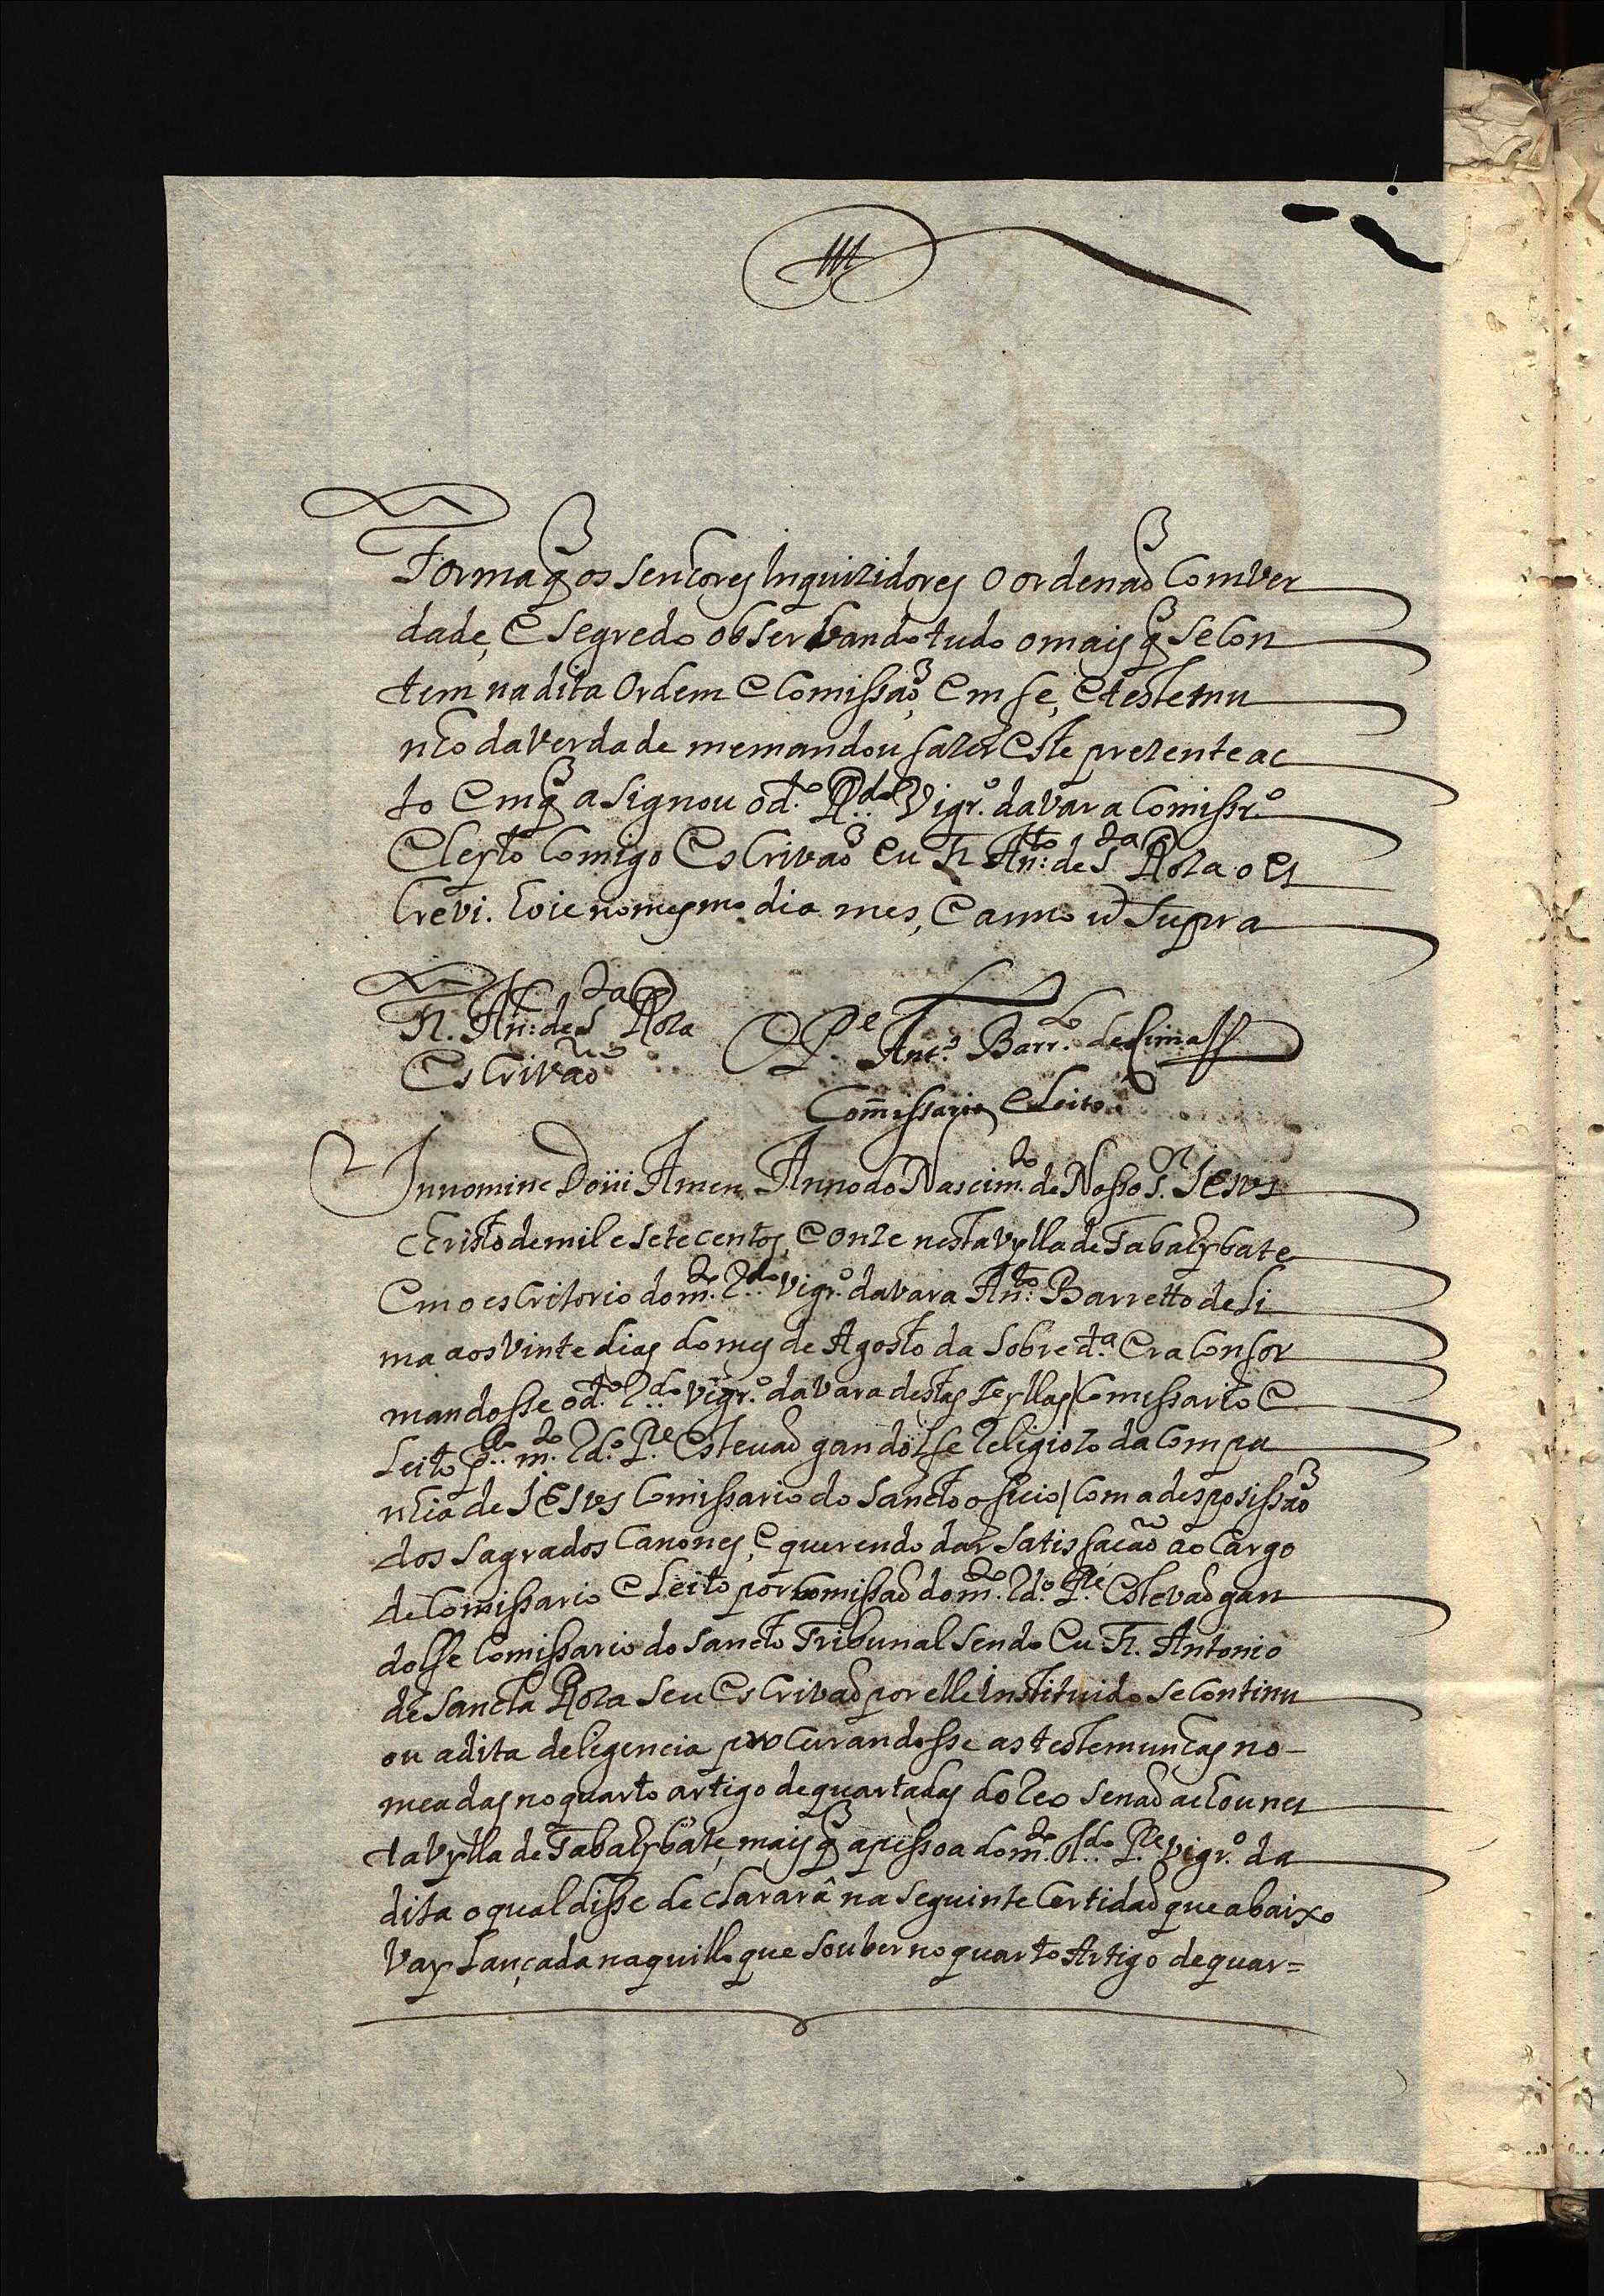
Forma q̄ os senhores Inquizidores o ordenaõ com ver
dade, e segredo observando tudo o mais q̄ se con
tem na dita Ordem e Comissaõ, em fe, e testemu
nho da verdade me mandou fazer este prezente ac
to em q̄ asignou o d̄.o R.d Vigr.o da vara Comissr.o
Eleyto Comigo EsCrivaõ Eu Fr An.to de Sta Roza o es
Crevi: hoie no mesmo dia mes, e anno ut̄ supra
Fr. An.o de S.ta Roza
O P.e Ant.o Barr.to de Lima
EsCrivaõ
Com̄issario eLeito
Innomine Doni Amen Anno do Nascim.to de Nosso S.or IEsvs
christo de mil e setecentos, e onze nesta vylla de Tabahybate
Em o esCritorio do m.to R.do Vigr.o da vara An.to Barretto de Li
ma aos vinte dias do mes de Agosto da Sobred̄.a Era confor
mandosse o d̄.o L.do Vigr.o da Vara destas Vyllas/ Comissario E
Leito p.lo m.to Rd.o P.e Esteuaõ gandolfe Religiozo da compa
nhia de IEsvs Comissario do Sancto officio/ com a desposissaõ
dos sagrados Canones, e querendo dar satisfaçaõ ao Cargo
de Com̄issario eLeito por Comissaõ do m.to Rd.o P.e Estevaõ gan
dolfe Comissario do Sancto Tribunal sendo Eu Fr. Antonio
de Sancta Roza seu escrivaõ por elle instituido se continu
ou a dita deligencia procurandosse as testemunhas no
meadas no quarto artigo de quartadas do Reo se naõ achou nes
ta Vylla de Tabahybate, mais q̄ a pessoa do m.to R.do P.e vigr.o da
dita o qual disse declarará na seguinte Certidaõ que abaixo
Vay lançada naquillo que souber no quarto Artigo de quar
